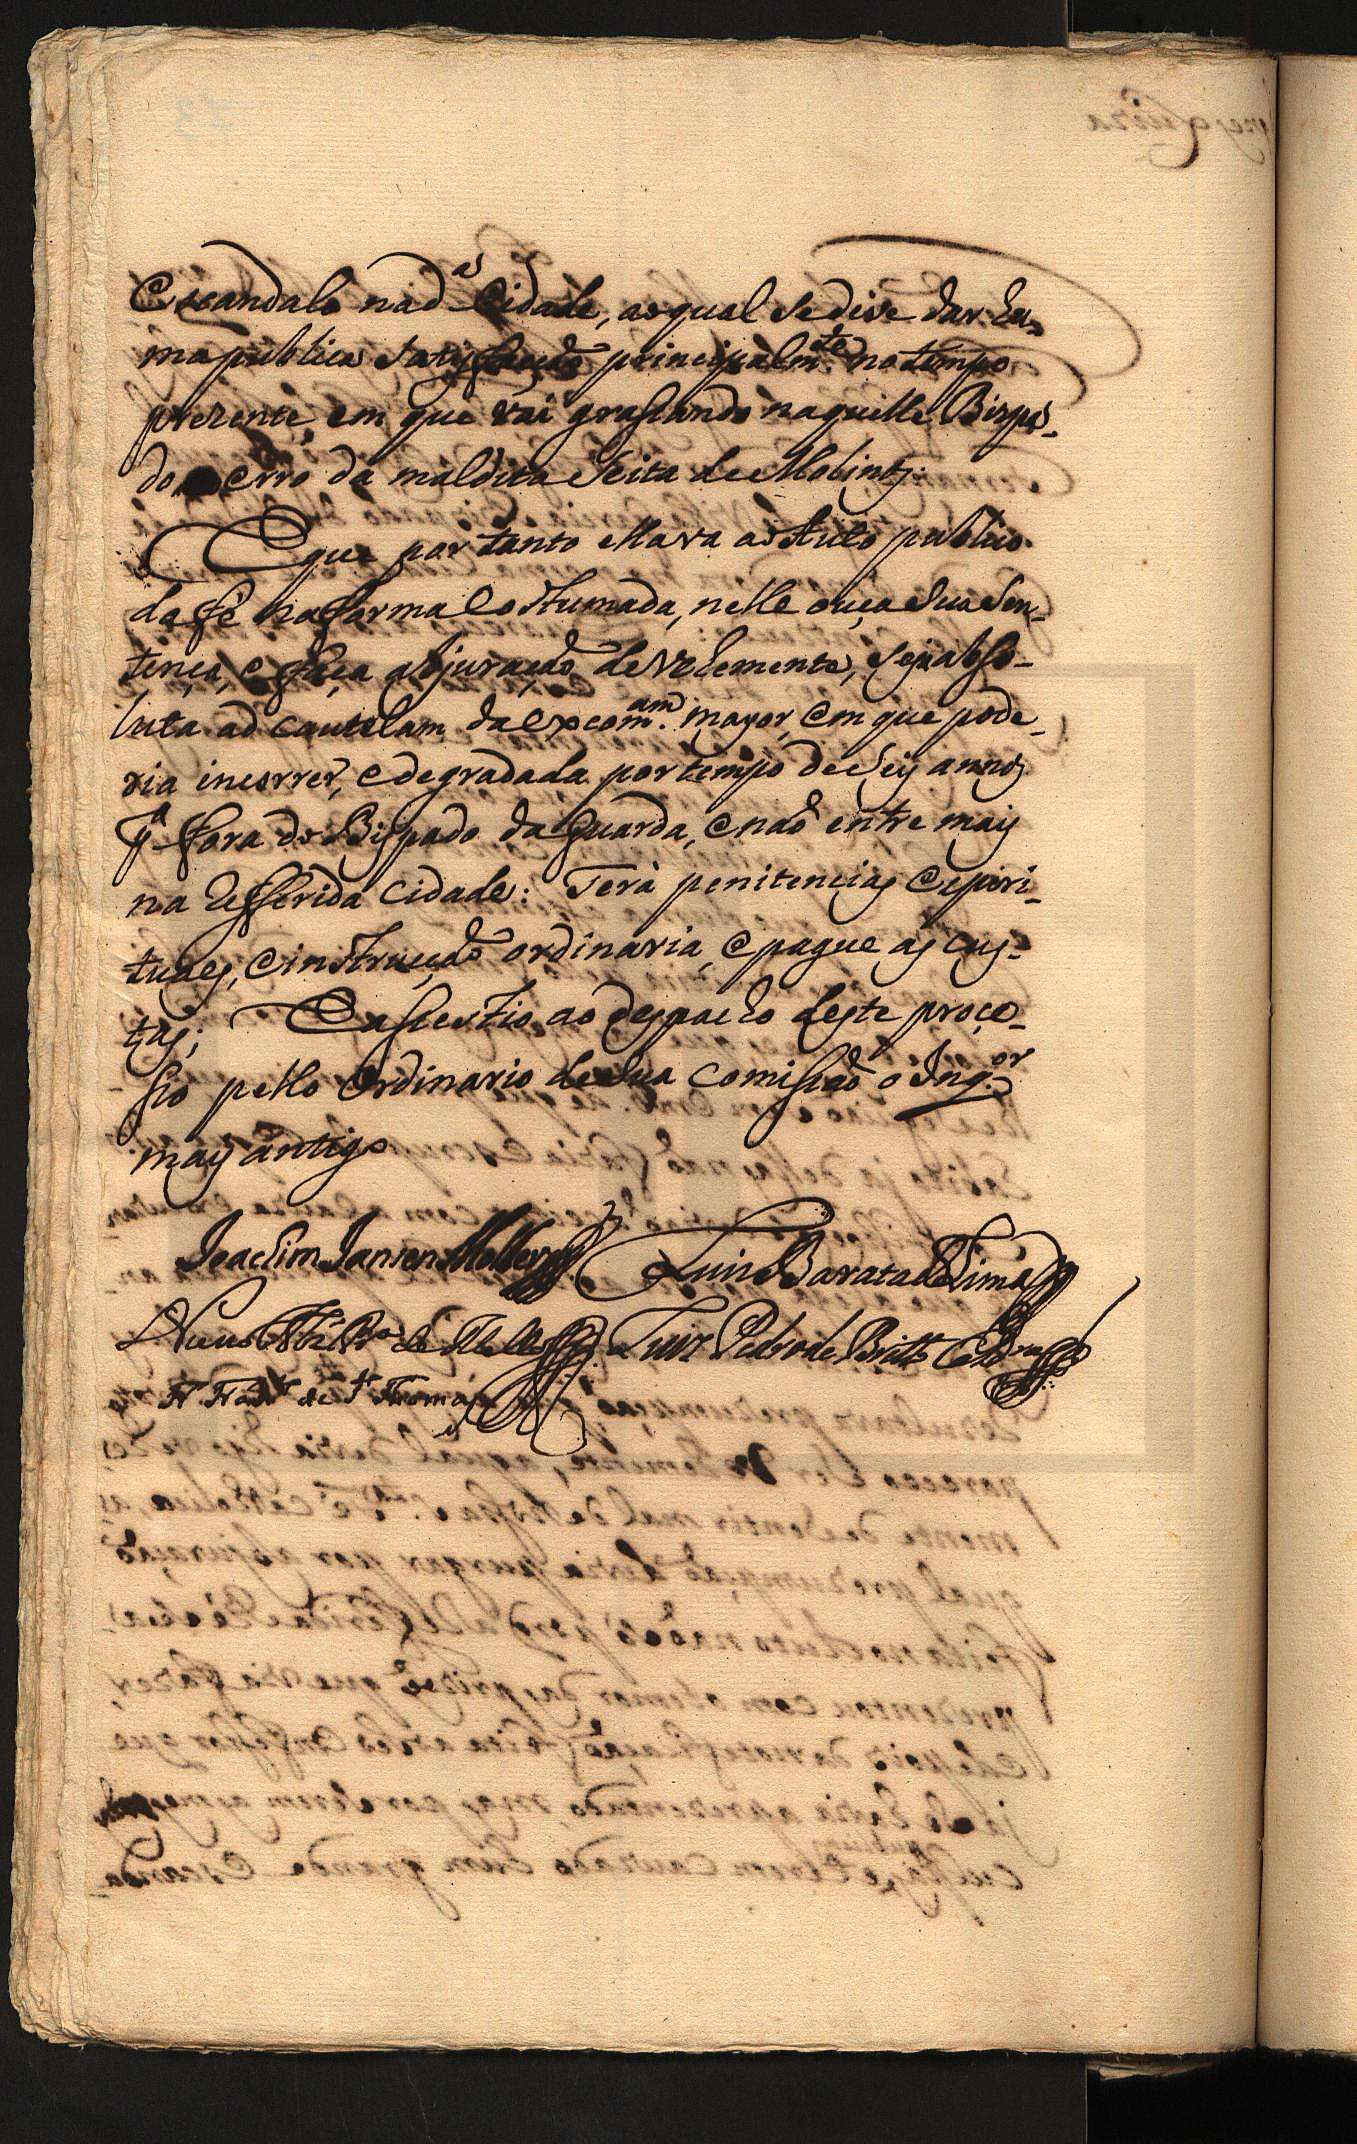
Escandalo na d.a Cidade, ao qual se deve dar hu
ma publica satisfacçaõ principalm.te no tempo
prezente, em que vai grassando naquelle Bispa
do _ erro da maldita seita de Molinos.
E que portanto ella va ao Auto publico
da fé na forma costumada, nelle ouça Sua sen
tença, e faça abjuraçaõ de vehemente, seja abso
luta ad. cautelam da excom.am mayor, em que pode
ria incorrer, e degradada por tempo de seis annos
p.a fora do Bispado da Guarda, e naõ entre mais
na Refferida cidade: Terà penitencias espiri
tuaes, e instrucção ordinaria, e pague as cus
tas; E assistio ao despacho deste proce
sso pello Ordinario de Sua comissaõ o Inq.or
mais antigo.
Ioachim Iansen Moller Luiz Barata de Lima
Nuno Alz̄ Pr.a de Mello Luiz Pedro de Britto Caldra
Fr Fran.co de s̄.o Thomas
